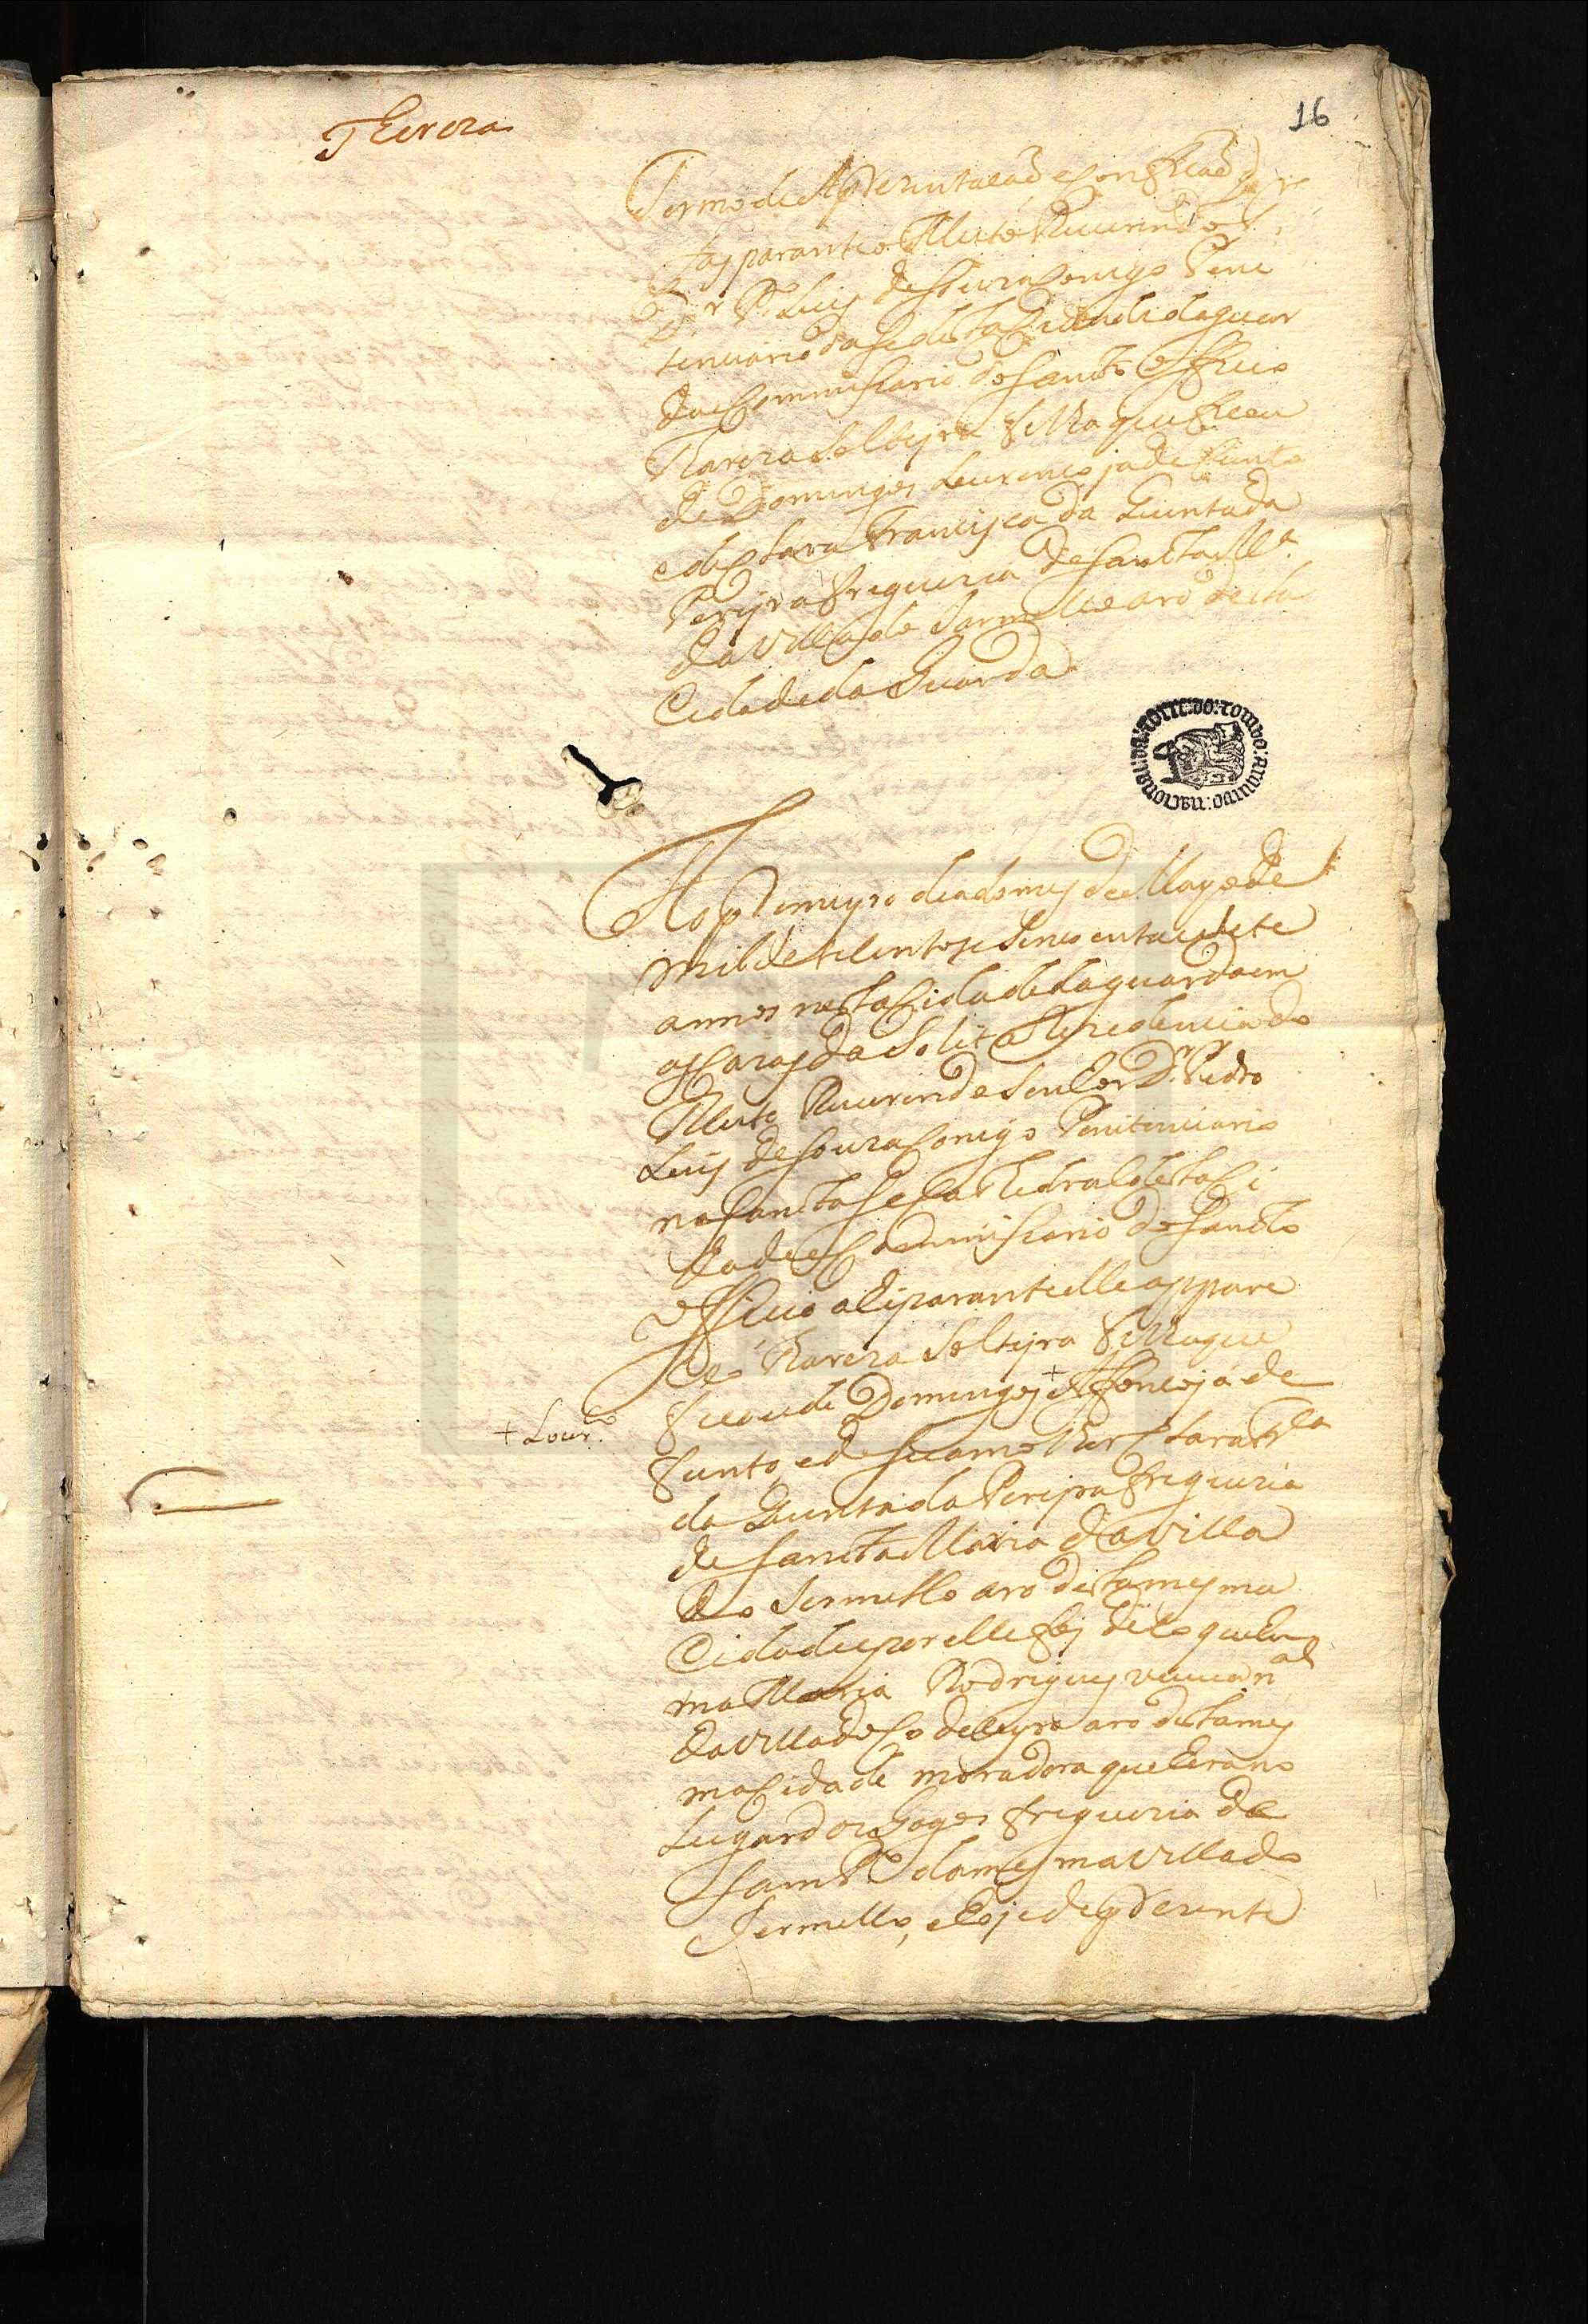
Thereza
+ Lour.co
Termo de Aprezentaçaõ, e Confição q̄
fas parante o Muto Reuerendo S.r
D.r P.o Luis de sousa Conego Peni
tenciario da se desta Cidade da guar
da e Commissario do santo officio
Thereza Soltejra filha que ficou
de Domingos Lourenço ja defunto
e de Clara Francisca da Quinta da
Perejra freguezia de sancta M.a
da Villa do Iarmello aro desta
Cidade da Guarda.
Ao primeyro dia do mes de Mayo de
mil setecentos e sincoenta e sete
annos nesta Cidade da guarda em
as Cazas da Solita Rezedencia do
Muto Reuerendo Senhor D.r Pedro
Luis de souza Conego Penitenciario
na sancta se Cathedral desta Ci
dade e Commisario do sancto
offiçio ahi parante elle appare
ceo Thareza Solteyra filha que
ficou de Domingos Affonco ja de
funto, e de sua molher Clara Frca
da Quinta da Perejra freguezia
de sancta Maria da villa
do Iermello aro desta mesma
Cidade e por elle foj dito que hu
ma Maria Rodrigues veuua nal
da vila do Codeceyro aro desta mes
ma Cidade moradora que hera no
Lugar dos Gagos freguezia de
sam P.o da mesma villa do
Jermello, e hoje de prezente
